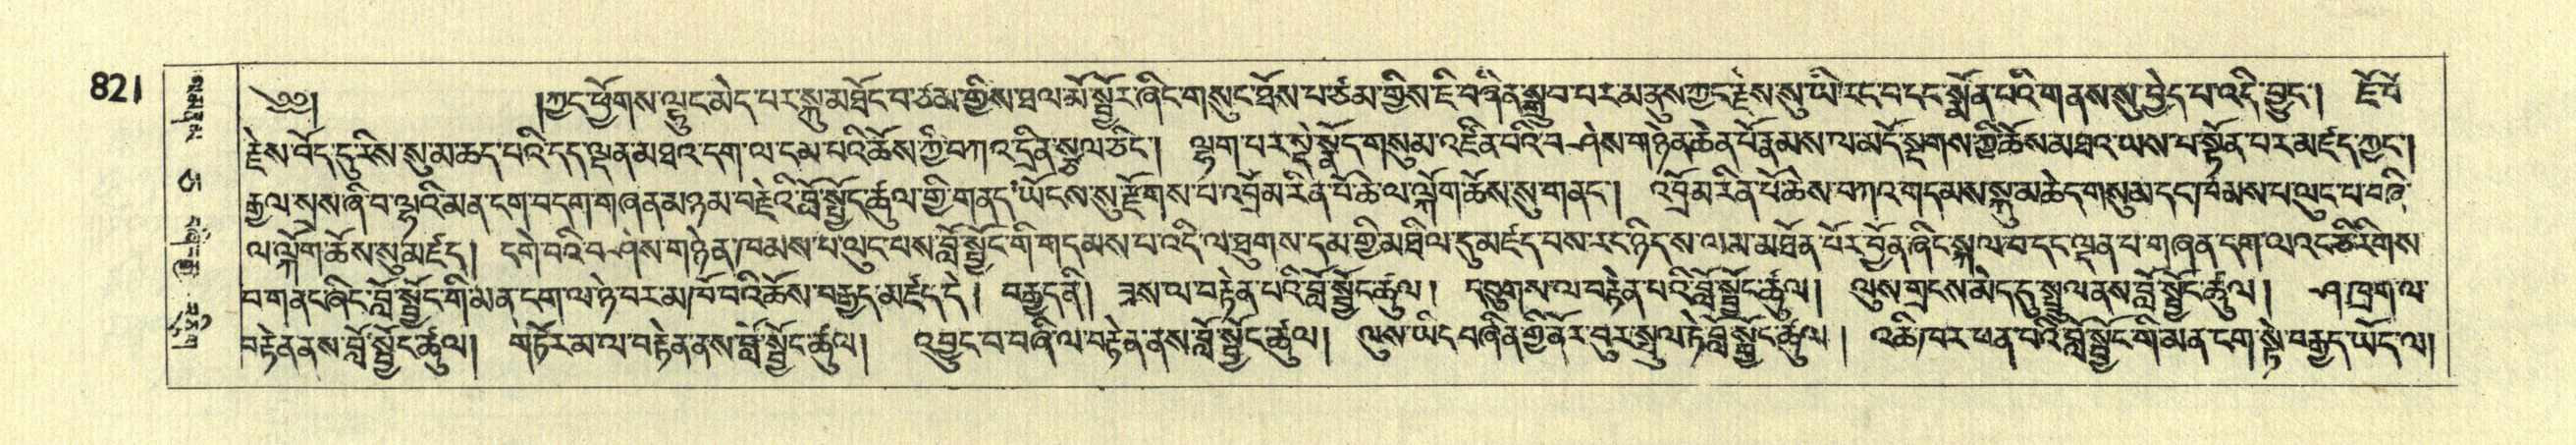༄༅། །ཀྱང་ཕྱོགས་ལྷུང་མེད་པར་སྐུ་མཐོང་བ་ཙམ་གྱིས་ཐལ་མོ་སྦྱོར་ཞིང་གསུང་ཐོས་པ་ཙམ་གྱིས་ཇི་བཞིན་སྒྲུབ་པར་མ་ནུས་ཀྱང་རྗེས་སུ་ཡི་རང་བ་དང་སྨོན་པའི་གནས་སུ་བྱེད་པ་འདི་བྱུང་། ཇོ་བོ་
རྗེས་བོད་དུ་རིས་སུ་མ་ཆད་པའི་དད་ལྡན་མཐའ་དག་ལ་དམ་པའི་ཆོས་ཀྱི་བཀའ་དྲིན་སྩལ་ཅིང་། ལྷག་པར་སྡེ་སྣོད་གསུམ་འཛིན་བའི་བཤེས་གཉེན་ཆེན་པོ་རྣམས་ལ་མདོ་སྔགས་ཀྱི་ཆོས་མཐའ་ཡས་བསྟོན་པར་མཛད་ཀྱང་།
རྒྱལ་སྲས་ཞི་བ་ལྷའི་མན་ངག་བདག་གཞན་མཉམ་བརྗེའི་བློ་སྤྱོང་ཚུལ་གྱི་གནད་ཡོངས་སུ་རྫོགས་པ་འབྲོམ་རིན་པོ་ཆེ་ལ་ལྐོག་ཆོས་སུ་གནང་། འབྲོམ་རིན་པོ་ཆེས་བཀའ་གདམས་སྐུ་མཆེད་གསུམ་དང་ཁམས་པ་ལུང་པ་བཞི་
ལ་ལྐོག་ཆོས་སུ་མཛད། དགེ་བའི་བཤེས་གཉེན་ཁམས་པ་ལུང་པས་བློ་སྦྱོང་གི་གདམས་པ་འདི་ལ་ཐུགས་དམ་གྱི་མཐིལ་དུ་མཛད་པས་རང་ཉིད་ས་ལམ་མཐོན་པོར་བྱོན་ཞིང་སྐལ་བ་དང་ལྡན་པ་གཞན་དག་ལའང་ཅི་རིགས་
བ་གནང་ཞིང་བློ་སྦྱོང་གི་མན་ངག་ལ་ཉེ་བར་མཁོ་བའི་ཆོས་བརྒྱད་མཛད་དེ། བརྒྱད་ནི། ཟས་ལ་བརྟེན་པའི་བློ་སྦྱོང་ཚུལ། དབུགས་ལ་བརྟེན་པའི་བློ་སྦྱོང་ཚུལ། ལུས་གྲངས་མེད་དུ་སྤྲུལ་ནས་བློ་སྦྱོང་ཚུལ། ཤ་ཁྲག་ལ།
བརྟེན་ནས་བློ་སྦྱོང་ཚུལ། གཏོར་མ་ལ་བརྟེན་ནས་བློ་སྦྱོང་ཚུལ། འབྱུང་བ་བཞི་ལ་བརྟེན་ནས་བློ་སྦྱོང་ཚུལ། ལུས་ཡིད་བཞིན་གྱི་ནོར་བུར་སྤྲུལ་ཏེ་བློ་སྦྱོང་ཚུལ། འཆི་ཁར་ཕན་པའི་བློ་སྦྱོང་གི་མན་ངག་སྟེ་བརྒྱད་ཡོད་ལ།